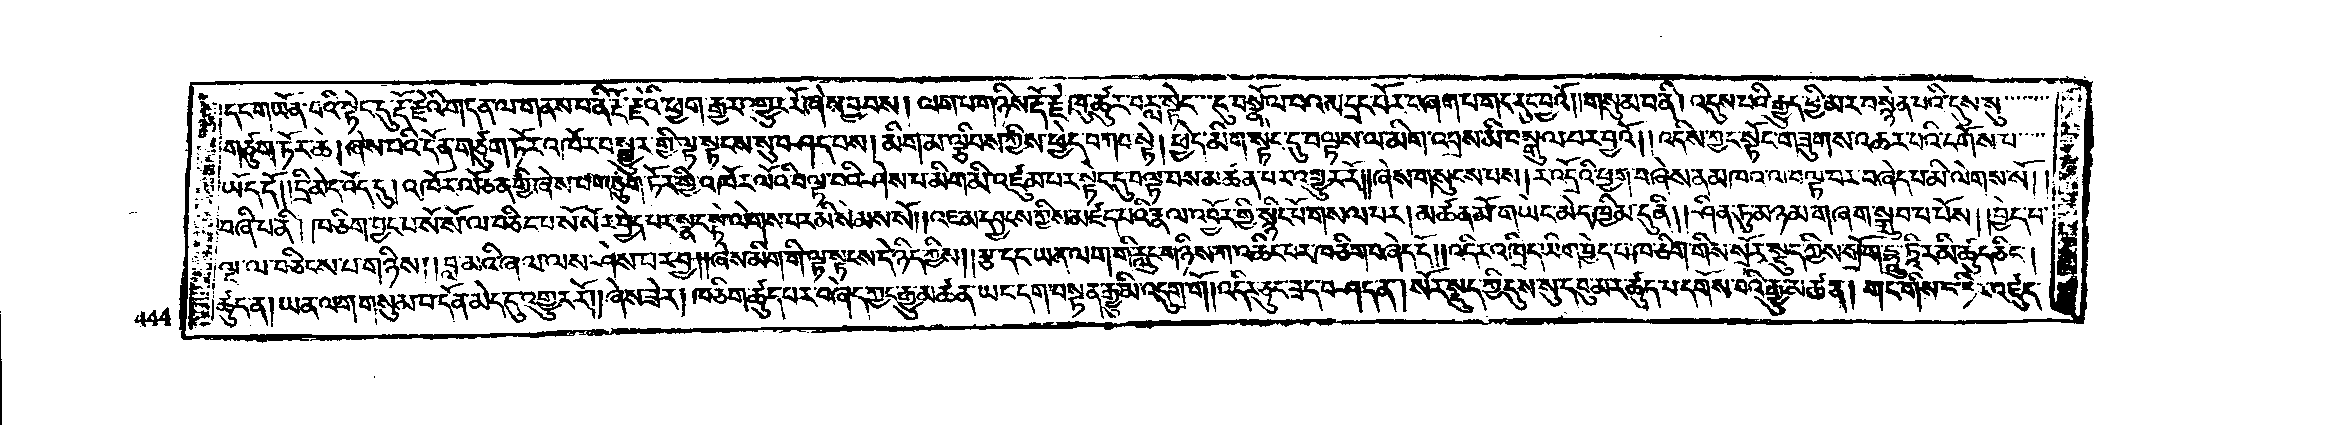དང་གཡོན་པའི་སྟེང་དུ་རྡོ་རྗེའི་གདན་ལ་གནས་པ་ནི་རྡོ་རྗེའི་ཕྱག་རྒྱར་འགྱུར་རོ་ཞེས་བྱ་བས། ལག་པ་གཉིས་རྡོ་རྗེ་ཁུ་ཚུར་བརླ་སྟེང་དུ་བསྣོལ་བའམ་དྲང་པོར་བཞག་པ་གང་རུང་བྱའོ། །གསུམ་པ་ནི། འདུས་པའི་རྒྱུད་ཕྱི་མར་བསྙེན་པའི་དུས་སུ་
གཙུག་ཏོར་ཆེ། ཞེས་པའི་དོན་གཙུག་ཏོར་འཁོར་བསྒྱུར་གྱི་ལྟ་སྟངས་སུ་བཤད་པས། མིག་མ་ལྕིབས་ཀྱིས་ཕྱེད་བཀབ་སྟེ། ཕྱེད་མིག་སྟེང་དུ་བལྟས་ལ་མིག་འབྲས་མི་བསྒུལ་པར་བྱའོ། །འདིས་ཀྱང་སྟོང་གཟུགས་འཆར་བའི་དགོས་པ་
ཡོད་དོ། །དྲི་མེད་འོད་དུ། འཁོར་ལོ་ཅན་གྱི་ཞེས་པ་གཙུག་ཏོར་གྱི་འཁོར་ལོའི་བལྟ་བའི་ཤེས་པ་མིག་མི་འཛུམ་པར་སྟེང་དུ་བལྟ་བས་མཚན་པར་འགྱུར་རོ། །ཞེས་གསུངས་པས། ར་འདྲོའི་ཕྱག་བཞེས་ནམ་མཁའ་ལ་བལྟ་བར་བཞེད་པ་མི་ལེགས་སོ། །
བཞི་པ་ནི། ཁ་ཅིག་བྱང་པ་སོ་སོ་ལ་བཅིང་པ་སོ་སོར་བྱེད་པར་སྣང་སྟེ་ལེགས་པར་མི་སེམས་སོ། །འཇམ་དབྱངས་ཀྱིས་མཛད་པའི་རྣལ་འབྱོར་གྱི་སྙིང་པོ་གསལ་པར། མཚན་མོ་གཡེང་མེད་ཁྱིམ་དུ་ནི། །ཤིན་ཏུ་མཉམ་གཞག་སྒྲུབ་པ་པོས། །བྱེད་པ་
ལྔ་ལ་བཅིངས་པ་གཉིས། །བླ་མའི་ཞལ་ལས་ཤེས་པར་བྱ། །ཞེས་མིག་གི་ལྟ་སྟངས་དེ་ཉིད་ཀྱིས། །རྩ་དང་ཡན་ལག་གི་རླུང་གཉིས་ཀ་འཆིང་པར་ཁ་ཅིག་བཞེད་དོ། །འདིར་འཁྲིད་ཡིག་བྱེད་པ་ཁ་ཅིག་གིས་སྲོར་སྡུད་ཀྱིས་སྲོག་དྷཱུ་ཏཱིར་མི་ཚུད་ཅིང་།
ཚུང་ན། ཡན་ལག་གསུམ་པ་དོན་མེད་དུ་འགྱུར་རོ། །ཞེས་ཟེར། ཁ་ཅིག་ཚུད་པར་བཞེད་ཀྱང་རྒྱུ་མཚན་ཡང་དག་བསྟན་རྒྱུ་མི་འདུག་གོ །འདིར་ཅུང་ཟད་བཤད་ན། སོར་སྡུད་ཀྱི་དུས་སུ་དབུ་མར་ཚུད་པ་དགོས་པའི་རྒྱུ་མཚན། གང་གིས་བཏིར་འཛུད་